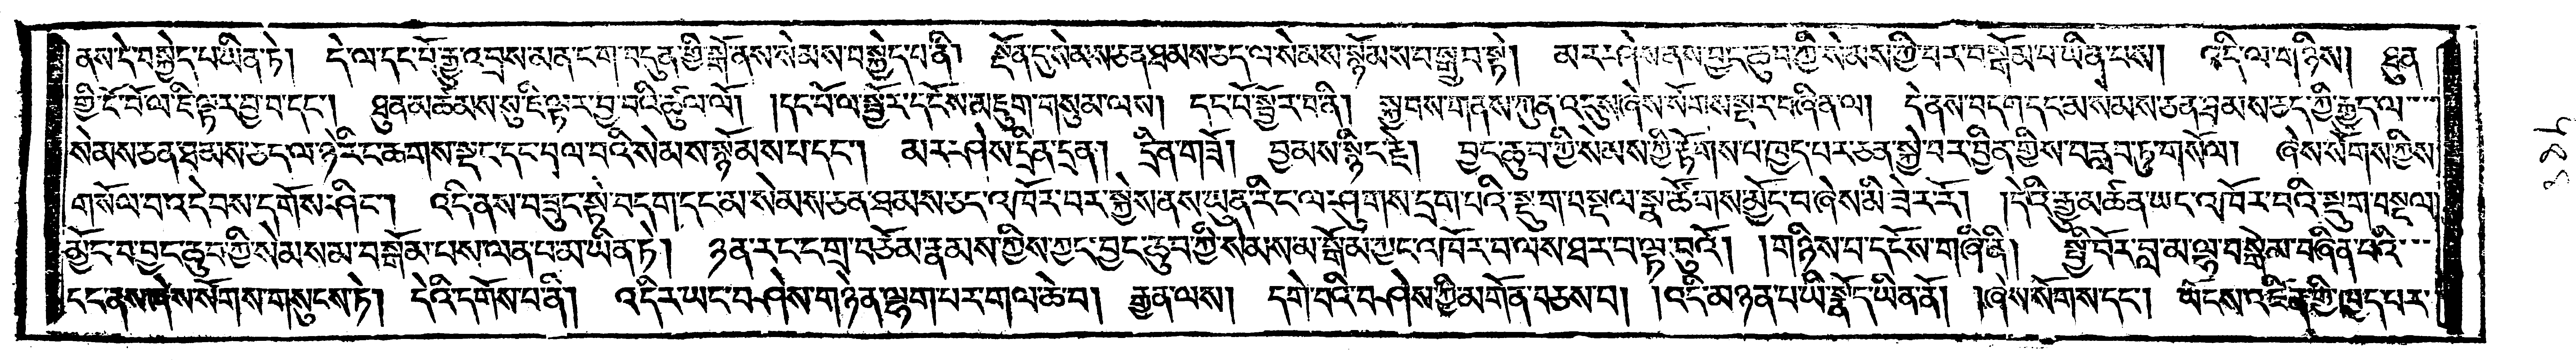ནས་དེ་བསྐྱེད་པ་ཡིན་ཏེ། དེ་ལ་དང་པོ་རྒྱུ་འབྲས་མན་ངག་བདུན་གྱི་སྒོ་ནས་སེམས་བསྐྱེད་པ་ནི། སྔོན་དུ་སེམས་ཅན་ཐམས་ཅད་ལ་སེམས་སྙོམས་པ་སྒྲུབ་སྟེ། མར་ཤེས་ནས་བྱང་ཆུབ་ཀྱི་སེམས་ཀྱི་བར་བསྒོམ་པ་ཡིན་པས། འདི་ལ་གཉིས། ཐུན་
གྱི་ངོ་བོ་ལ་ཇི་ལྟར་བྱ་བ་དང་། ཐུན་མཚམས་སུ་ཇི་ལྟར་བྱ་བའི་ཚུལ་ལོ། །དང་པོ་ལ་སྦྱོར་དངོས་མཇུག་གསུམ་ལས། དང་པོ་སྦྱོར་བ་ནི། སྐྱབས་གནས་ཀུན་འདུས་ཞེས་སོགས་སྔར་བཞིན་ལ། དེ་ནས་བདག་དང་མ་སེམས་ཅན་ཐམས་ཅད་ཀྱི་རྒྱུད་ལ་
སེམས་ཅན་ཐམས་ཅད་ལ་ཉེ་རིང་ཆགས་སྡང་དང་བྲལ་བའི་སེམས་སྙོམས་པ་དང་། མར་ཤེས་དྲིན་དྲན། དྲིན་གཟོ། བྱམས་སྙིང་རྗེ། བྱང་ཆུབ་ཀྱི་སེམས་ཀྱི་རྟོགས་པ་ཁྱད་པར་ཅན་སྐྱེ་བར་བྱིན་གྱིས་བརླབ་ཏུ་གསོལ། ཞེས་སོགས་ཀྱིས་
གསོལ་བ་འདེབས་དགོས་ཤིང་། འདི་ནས་བཟུང་སྟེ་བདག་དང་མ་སེམས་ཅན་ཐམས་ཅད་འཁོར་བར་སྐྱེས་ནས་ཡུན་རིང་ལ་ཤུགས་དྲག་པའི་སྡུག་བསྔལ་སྣ་ཚོགས་མྱོང་བ་ཞེས་མི་ཟེར་རོ། །དེའི་རྒྱུ་མཚན་ཡང་འཁོར་བའི་རྡུག་བསྔལ་
མྱོང་བ་བྱང་ཆུབ་ཀྱི་སེམས་མ་བསྒོམ་པས་ལན་པ་མ་ཡིན་ཏེ། ཉན་རང་དགྲ་བཅོམ་རྣམས་ཀྱིས་ཀྱང་བྱང་ཆུབ་ཀྱི་སེམས་མ་སྒོམ་ཀྱང་འཁོར་བ་ལས་ཐར་བ་ལྟ་བུའོ། །གཉིས་པ་དངོས་གཞི་ནི། སྤྱི་བོར་བླ་མ་ལྷ་བསྒོམ་བཞིན་པའི་
ངང་ནས་ཞེས་སོགས་གསུངས་ཏེ། དེའི་དགོས་བ་ནི། འདིར་ཡང་བ་ཤེས་གཉེན་ལྷག་པར་གལ་ཆེ་བ། རྒྱན་ལས། དགེ་བའི་བཤེས་ཀྱི་མགོན་བཅས་བ། །འདི་མཉན་པ་ཡི་སྣོད་ཡིན་ནོ། །ཞེས་སོགས་དང་། ཡོངས་འཛིན་གྱི་ཁྱད་པར་